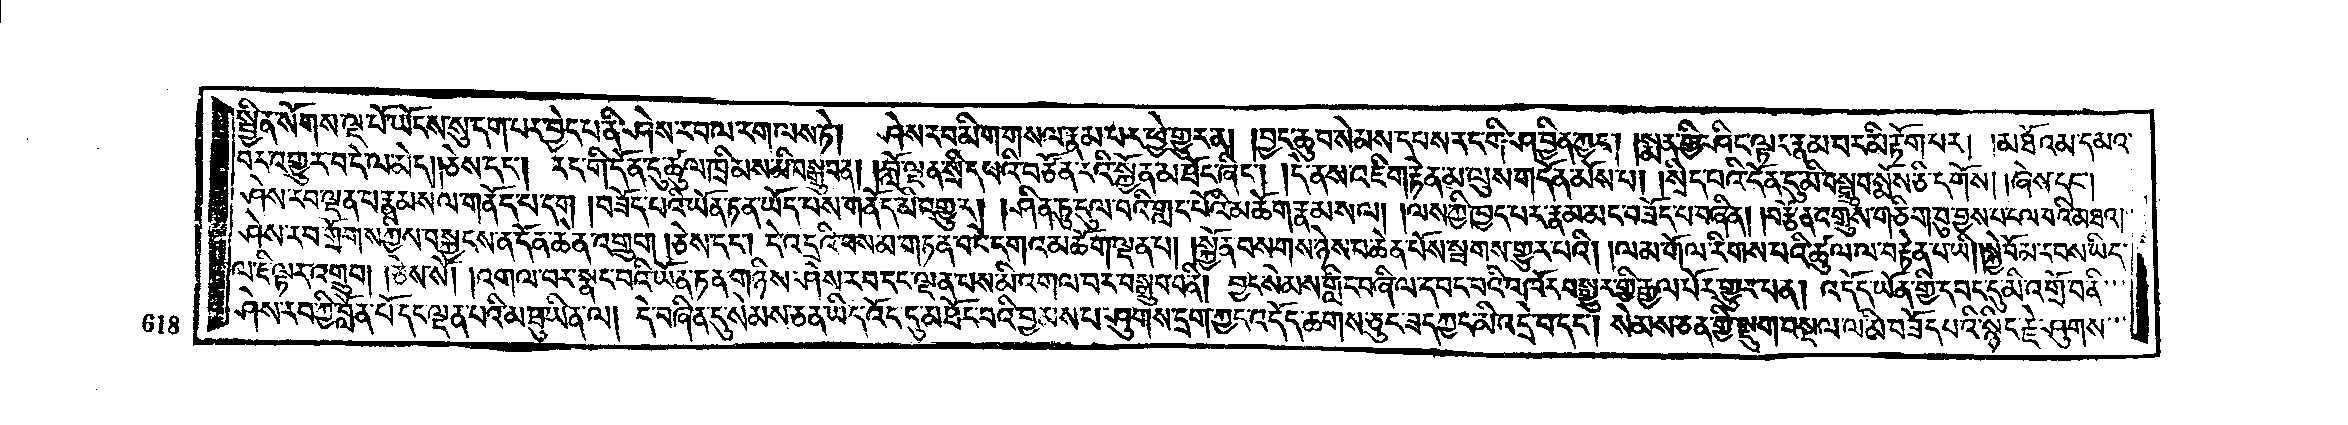སྦྱིན་སོགས་ལྔ་པོ་ཡོངས་སུ་དག་པར་བྱེད་པ་ནི་ཤེས་རབ་ལ་རག་ལས་ཏེ། ཤེས་རབ་མིག་གསལ་རྣམ་པར་ཕྱེ་གྱུར་ན། །བྱང་ཆུབ་སེམས་དཔས་རང་གི་ཤ་བྱིན་ཀྱང་། །སྨན་གྱི་ཤིང་ལྟར་རྣམ་པར་མི་རྟོག་པར། །མཐོ་འམ་དམའ་
པར་འགྱུར་བ་དེ་ལ་མེད། །ཅེས་དང་། རང་གི་དོན་དུ་ཚུལ་ཁྲིམས་མི་བསྒྲུབ་ན། །བློ་ལྡན་སྲིད་པའི་བརྩོན་རའི་སྐྱོན་མཐོང་ཞིང་། །དེ་ནས་འཇིག་རྟེན་མ་ལུས་གདོན་མོས་པ། །སྲིད་པའི་དོན་དུ་མི་བསྒྲུབ་སྨོས་ཅི་དགོས། །ཞེས་དང་།
ཤེས་རབ་ལྡན་པ་རྣམས་ལ་གནོད་པ་དག །བཟོད་པའི་ཡོན་ཏན་ཡོད་པས་གནོད་མི་འགྱུར། །ཤིན་ཏུ་དུལ་བའི་གླང་པོའི་མཆོག་རྣམས་ལ། །ལས་ཀྱི་ཁྱད་པར་རྣམ་མང་བཟོད་པ་བཞིན། །བརྩོན་འགྲུས་གཅིག་པུ་བྱས་པ་ངལ་བའི་མཐའ། །
ཤེས་རབ་གྲོགས་ཀྱིས་བསྐྱངས་ན་དོན་ཆེན་འགྲུབ། །ཅེས་དང་། དེ་འདྲའི་བསམ་གཏན་བདེ་དགའ་མཆོག་ལྡན་པ། །སྐྱོན་བསགས་ཉེས་པ་ཆེན་པོས་སྦགས་གྱུར་པའི། །ལམ་གོལ་རིགས་པའི་ཚུལ་ལ་བརྟེན་པ་ཡི། །སྐྱེ་བོ་མ་རབས་ཡིད་
ལ་ཇི་ལྟར་འགྲུབ། །ཅེས་སོ། །འགལ་བར་སྣང་བའི་ཡོན་ཏན་གཉིས་ཤེས་རབ་དང་ལྡན་པས་མི་འགལ་བར་བསྒྲུབ་པ་ནི། བྱང་སེམས་གླིང་བཞིལ་དབང་བའི་འཁོར་བསྒྱུར་གྱི་རྒྱལ་པོར་གྱུར་པ་ན། འདོད་ཡོན་གྱི་དབང་དུ་མི་འགྲོ་བ་ནི་
ཤེས་རབ་ཀྱི་བློན་པོ་དང་ལྡན་པའི་མཐུ་ཡིན་ལ། དེ་བཞིན་དུ་སེམས་ཅན་ཡིད་འོང་དུ་མཐོང་བའི་བྱམས་པ་ཤུགས་དྲག་ཀྱང་འདོད་ཆགས་ཅུང་ཟད་ཀྱང་མི་འདྲེ་བ་དང་། སེམས་ཅན་གྱི་སྡུག་བསྔལ་ལ་མི་བཟོད་པའི་སྙིང་རྗེ་ཤུགས་